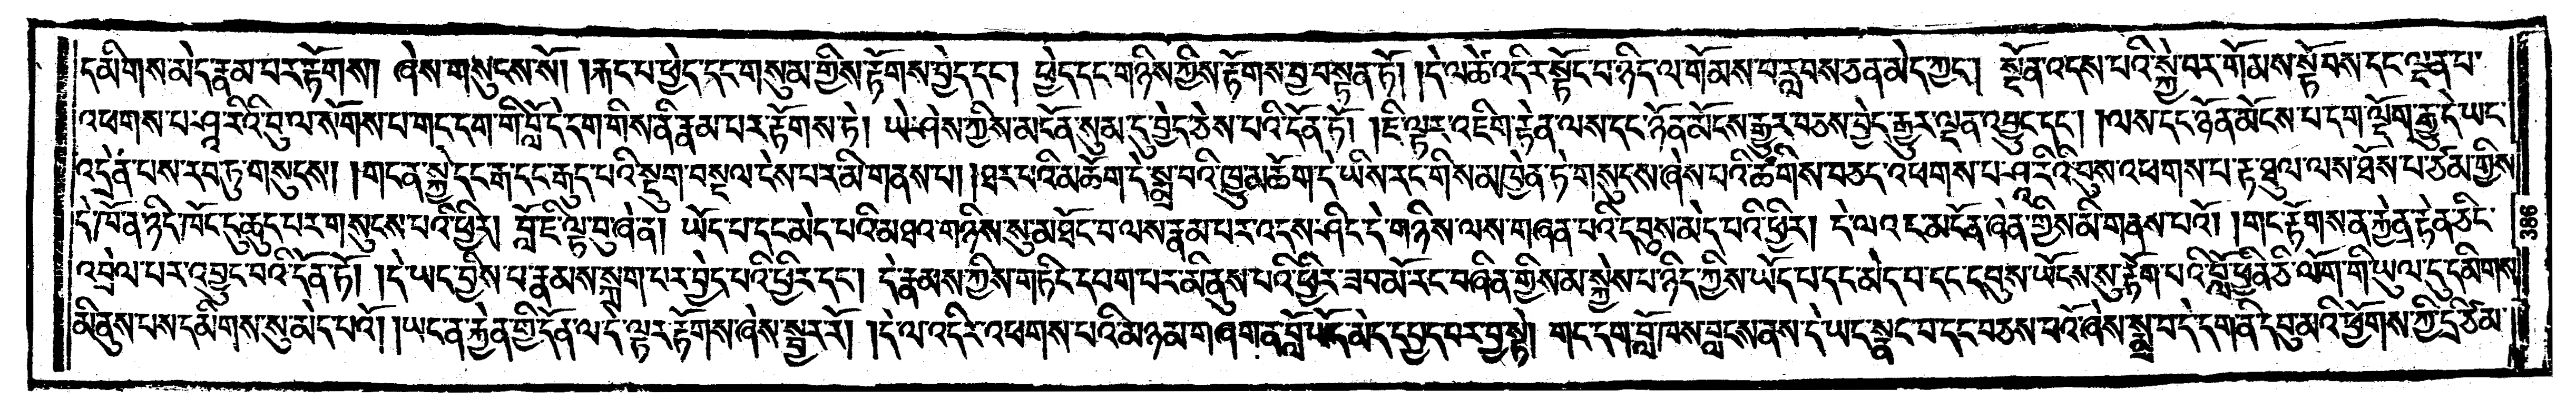དམིགས་མེད་རྣམ་པར་རྟོགས། ཞེས་གསུངས་སོ། །རྐང་པ་ཕྱེད་དང་གསུམ་གྱིས་རྟོགས་བྱེད་དང་། ཕྱེད་དང་གཉིས་ཀྱིས་རྟོགས་བྱ་བསྟན་ཏོ། །དེ་ལ་ཚེ་འདིར་སྟོང་པ་ཉིད་ལ་གོམས་པ་རླབས་ཅན་མེད་ཀྱང་། སྔོན་འདས་པའི་སྐྱེ་བར་གོམས་སྟོབས་དང་ལྡན་པ་
འཕགས་པ་ཤཱ་རིའི་བུ་ལ་སོགས་པ་གང་དག་གི་བློ་དེ་དག་གིས་ནི་རྣམ་པར་རྟོགས་ཏེ། ཡེ་ཤེས་ཀྱིས་མངོན་སུམ་དུ་བྱེད་ཅེས་པའི་དོན་ཏོ། །ཇི་ལྟར་འཇིག་རྟེན་ལས་དང་ཉོན་མོངས་རྒྱུར་བཅས་བྱེད་རྒྱུར་ལྡན་འབྱུང་དང་། །ལས་དང་ཉོན་མོངས་པ་དག་ལྡོག་རྒྱུ་དེ་ཡང་
འདྲེན་པས་རབ་ཏུ་གསུངས། །གང་ན་སྐྱེ་དང་རྒ་དང་རྒུད་པའི་སྡུག་བསྔལ་ངེས་པར་མི་གནས་པ། །ཐར་པའི་མཆོག་དེ་སྨྲ་བའི་ཁྱུ་མཆོག་དེ་ཡིས་རང་གིས་མཁྱེན་ཏེ་གསུངས་ཞེས་པའི་ཚིགས་བཅད་འཕགས་པ་ཤཱ་རིའི་བུས་འཕགས་པ་རྟ་ཐུལ་ལས་ཐོས་པ་ཙམ་གྱིས་
དེ་ཁོ་ན་ཉིད་ཁོང་དུ་ཆུད་པར་གསུངས་པའི་ཕྱིར། བློ་ཇི་ལྟ་བུ་ཞེ་ན། ཡོད་པ་དང་མེད་པའི་མཐའ་གཉིས་སུ་མཐོང་བ་ལས་རྣམ་པར་འདས་ཤིང་དེ་གཉིས་ལས་གཞན་པའི་དབུས་མེད་པའི་ཕྱིར། དེ་ལའང་མངོན་ཞེན་གྱིས་མི་གནས་པའོ། །གང་རྟོགས་ན་རྐྱེན་རྟེན་ཅིང་
འབྲེལ་པར་འབྱུང་བའི་དོན་ཏོ། །དེ་ཡང་བྱིས་པ་རྣམས་སྐྲག་པར་བྱེད་པའི་ཕྱིར་དང་། དེ་རྣམས་ཀྱིས་གཏིང་དཔག་པར་མི་ནུས་པའི་ཕྱིར་ཟབ་མོ་རང་བཞིན་གྱིས་མ་སྐྱེས་པ་ཉིད་ཀྱིས་ཡོད་པ་དང་མེད་པ་དང་དབུས་ཡོངས་སུ་རྟོགས་པའི་བློ་ཕྱིན་ཅི་ལོག་གི་ཡུལ་དུ་དམིགས་
མི་ནུས་པས་དམིགས་སུ་མེད་པའོ། །ཡང་ན་རྐྱེན་གྱི་དོན་ལ་དེ་ལྟར་རྟོགས་ཞེས་སྦྱར་རོ། །དེ་ལ་འདིར་འཕགས་པའི་མཉམ་གཞག་ན་བློ་ཡོད་མེད་དཔྱད་པར་བྱ་སྟེ། གང་དག་བློ་ཁས་བླངས་ནས་དེ་ཡང་སྣང་བ་དང་བཅས་པའོ་ཞེས་སྨྲ་བ་དེ་དག་ནི་དབུ་མའི་ཕྱོགས་ཀྱི་དྲི་ཙམ་